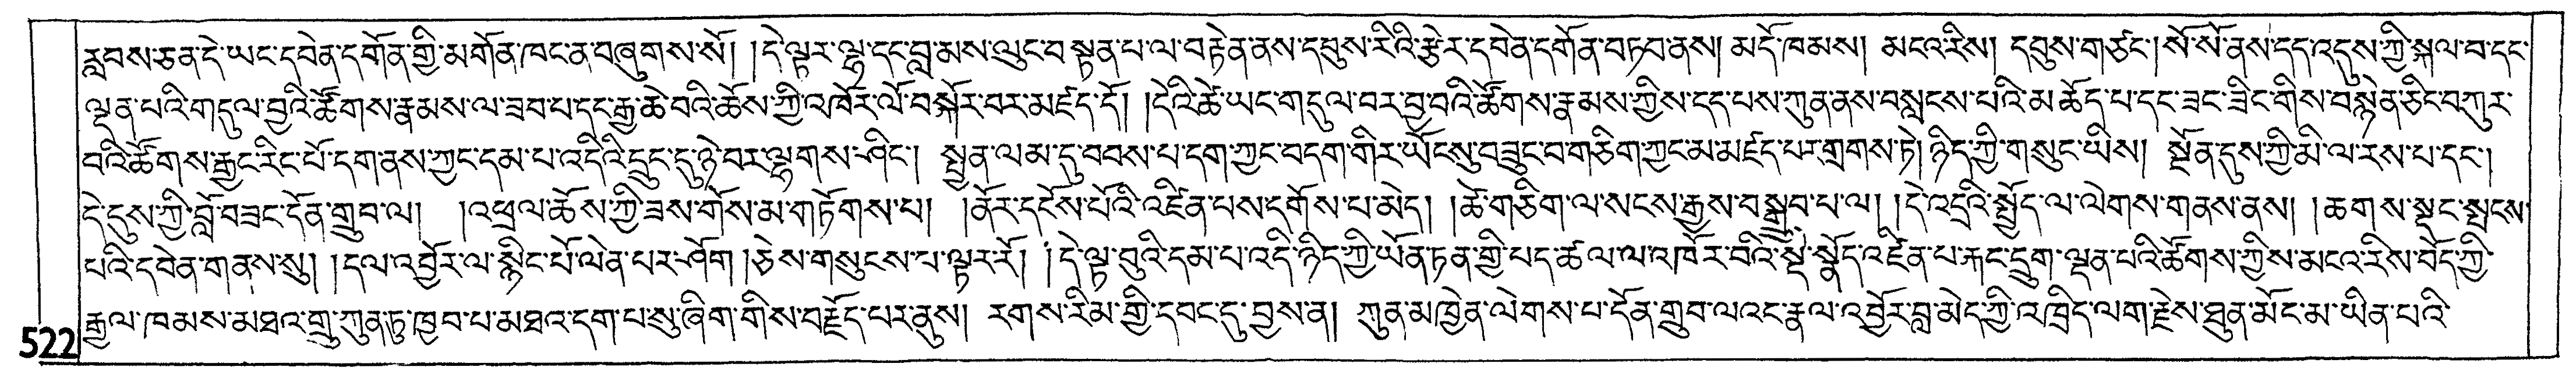རླབས་ཅན་དེ་ཡང་དབེན་དགོན་གྱི་མགོན་ཁང་ན་བཞུགས་སོ། །དེ་ལྟར་ལྷ་དང་བླ་མས་ལུང་བསྟན་པ་ལ་བརྟེན་ནས་དབུས་རིའི་རྩེར་དབེན་དགོན་བཏབ་ནས། མདོ་ཁམས། མངའ་རིས། དབུས་གཙང་། སོ་སོ་ནས་དད་འདུས་ཀྱི་སྐལ་བ་དང་
ལྡན་པའི་གདུལ་བྱའི་ཚོགས་རྣམས་ལ་ཟབ་པ་དང་རྒྱ་ཆེ་བའི་ཆོས་ཀྱི་འཁོར་ལོ་བསྐོར་བར་མཛད་དོ། །དེའི་ཚེ་ཡང་གདུལ་བར་བྱ་བའི་ཚོགས་རྣམས་ཀྱིས་དད་པས་ཀུན་ནས་བསླངས་པའི་མཆོད་པ་དང་ཟང་ཟིང་གིས་བསྙེན་ཅིང་བཀུར་
བའི་ཚོགས་རྒྱང་རིང་པོ་དག་ནས་ཀྱང་དམ་པ་འདིའི་དྲུང་དུ་ཉེ་བར་ལྷགས་ཤིང་། སྤྱན་ལམ་དུ་བབས་པ་དག་ཀྱང་བདག་གིར་ཡོངས་སུ་བཟུང་བ་གཅིག་ཀྱང་མ་མཛད་པར་གྲགས་ཏེ། ཉིད་ཀྱི་གསུང་ཡིས། སྔོན་དུས་ཀྱི་མི་ལ་རས་པ་དང་།
དེ་དུས་ཀྱི་བློ་བཟང་དོན་གྲུབ་ལ། །འཕྲལ་ཆོས་ཀྱི་ཟས་གོས་མ་གཏོགས་པ། །ནོར་དངོས་པོའི་འཛིན་པས་དགོས་པ་མེད། །ཚེ་གཅིག་ལ་སངས་རྒྱས་བསྒྲུབ་པ་ལ། །དེ་འདྲའི་སྤྱོད་ལ་ལེགས་གནས་ནས། །ཆགས་སྡང་སྤངས་
པའི་དབེན་གནས་སུ། །དལ་འབྱོར་ལ་སྙིང་པོ་ལེན་པར་ཤོག །ཅེས་གསུངས་པ་ལྟར་རོ། །དེ་ལྟ་བུའི་དམ་པ་འདི་ཉིད་ཀྱི་ཡོན་ཏན་གྱི་པད་ཚལ་ལ་འཁོར་བའི་སྡེ་སྣོད་འཛིན་པ་རྐང་དྲུག་ལྡན་པའི་ཚོགས་ཀྱིས་མངའ་རིས་བོད་ཀྱི་
རྒྱལ་ཁམས་མཐའ་གྲུ་ཀུན་ཏུ་ཁྱབ་པ་མཐའ་དག་པ་སུ་ཞིག་གིས་བརྗོད་པར་ནུས། རགས་རིམ་གྱི་དབང་དུ་བྱས་ན། ཀུན་མཁྱེན་ལེགས་པ་དོན་གྲུབ་ལའང་རྣལ་འབྱོར་བླ་མེད་ཀྱི་འཁྲིད་ལག་རྗེས་ཐུན་མོང་མ་ཡིན་པའི་